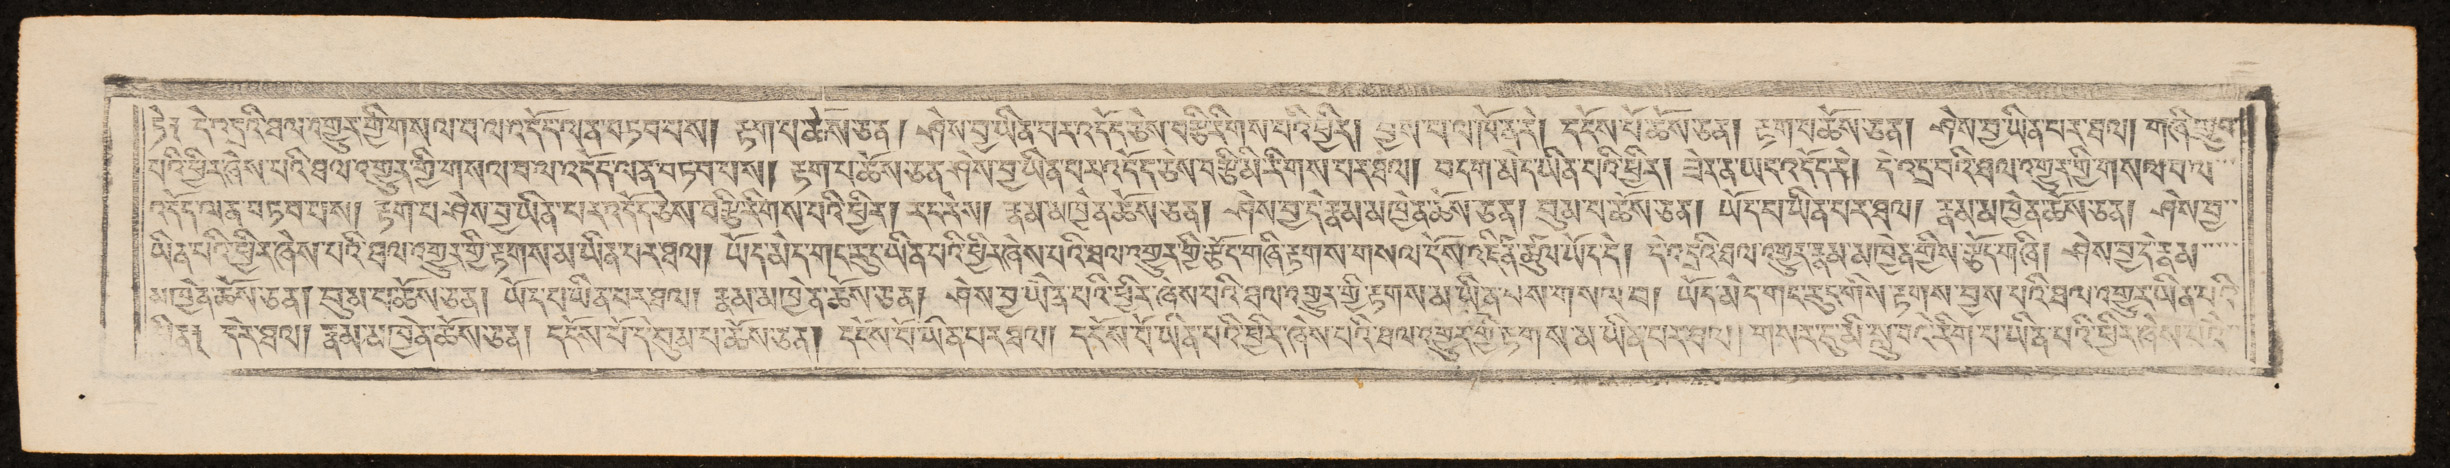ཏེ། དེ་འདྲའི་ཐལ་འགྱུར་གྱི་གསལ་བ་ལ་འདོད་ལན་བཏབ་པས། རྟག་པ་ཆོས་ཅན། ཤེས་བྱ་ཡིན་པར་འདོད་ཅེས་བརྩི་རིགས་པའི་ཕྱིར། བྱས་པ་ལ་ཁོ་ན་རེ། དངོས་པོ་ཆོས་ཅན། རྟག་པ་ཆོས་ཅན། ཤེས་བྱ་ཡིན་པར་ཐལ། གཞི་གྲུབ་
པའི་ཕྱིར་ཞེས་པའི་ཐལ་འགྱུར་གྱི་གསལ་བ་ལ་འདོད་ལན་བཏབ་པས། རྟག་པ་ཆོས་ཅན་ཤེས་བྱ་ཡིན་པར་འདོད་ཅེས་བརྩི་མི་རིགས་པར་ཐལ། བདག་མེད་ཡིན་པའི་ཕྱིར། ཟེར་ན་ཡང་འདོད་དེ། དེ་འདྲ་བའི་ཐལ་འགྱུར་གྱི་གསལ་བ་ལ་
འདོད་ལན་བཏབ་པས། རྟག་པ་ཤེས་བྱ་ཡིན་པར་འདོད་ཅེས་བརྩི་རིགས་པའི་ཕྱིར། རང་རེས། རྣམ་མཁྱེན་ཆོས་ཅན། ཤེས་བྱ་དེ་རྣམ་མཁྱེན་ཆོས་ཅན། བུམ་པ་ཆོས་ཅན། ཡོད་པ་ཡིན་པར་ཐལ། རྣམ་མཁྱེན་ཆོས་ཅན། ཤེས་བྱ་
ཡིན་པའི་ཕྱིར་ཞེས་པའི་ཐལ་འགྱུར་གྱི་རྟགས་མ་ཡིན་པར་ཐལ། ཡོད་མེད་གང་རུང་ཡིན་པའི་ཕྱིར་ཞེས་པའི་ཐལ་འགྱུར་གྱི་རྩོད་གཞི་རྟགས་གསལ་ངོས་འཛིན་ཚུལ་ཡོད་དེ། དེ་འདྲའི་ཐལ་འགྱུར་རྣམ་མཁྱེན་གྱིས་རྩོད་གཞི། ཤེས་བྱ་དེ་རྣམ་
མཁྱེན་ཆོས་ཅན། བུམ་པ་ཆོས་ཅན། ཡོད་པ་ཡིན་པར་ཐལ། རྣམ་མཁྱེན་ཆོས་ཅན། ཤེས་བྱ་ཡིན་པའི་ཕྱིར་ཞེས་པའི་ཐལ་འགྱུར་གྱི་རྟགས་མ་ཡིན་པས་གསལ་བ། ཡོད་མེད་གང་རུང་གིས་རྟགས་བྱས་པའི་ཐལ་འགྱུར་ཡིན་པའི་
ཕྱིར། དེར་ཐལ། རྣམ་མཁྱེན་ཆོས་ཅན། དངོས་པོ་དེ་བུམ་པ་ཆོས་ཅན། དངོས་པོ་ཡིན་པར་ཐལ། དངོས་པོ་ཡིན་པའི་ཕྱིར་ཞེས་པའི་ཐལ་འགྱུར་གྱི་རྟགས་མ་ཡིན་པར་ཐལ། གསར་དུ་མི་སླུ་བའི་རིག་པ་ཡིན་པའི་ཕྱིར་ཞེས་པའི་